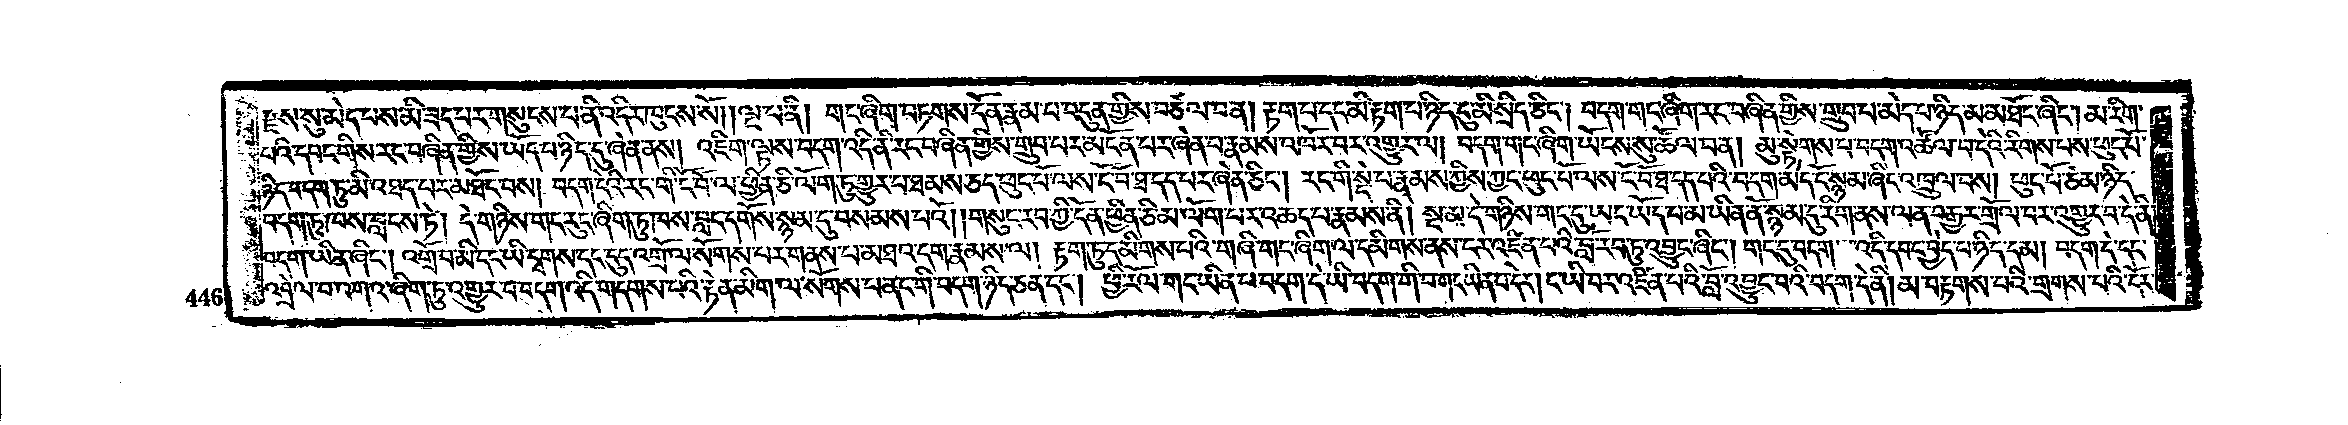རྫས་སུ་མེད་པས་མི་ཟད་པར་གསུངས་པ་ནི་འདིར་ཁུངས་སོ། །ལྔ་པ་ནི། གང་ཞིག་བཏགས་དོན་རྣམ་པ་བདུན་གྱིས་བཙལ་བ་ན། རྟག་པ་དང་མི་རྟག་པ་ཉིད་དུ་མི་སྲིད་ཅིང་། བདག་གང་ཞིག་རང་བཞིན་གྱིས་གྲུབ་པ་མེད་པ་ཉིད་མ་མཐོང་ཞིང་། མ་རིག་
པའི་དབང་གིས་རང་བཞིན་གྱིས་ཡོད་པ་ཉིད་དུ་ཞེན་ནས། འཇིག་ལྟས་བདག་འདི་ནི་རང་བཞིན་གྱིས་གྲུབ་པར་མངོན་པར་ཞེན་པ་རྣམས་འཁོར་བར་འགྱུར་ལ། བདག་གང་ཞིག་ཡོངས་སུ་ཚོལ་བ་ན། མུ་སྟེགས་པ་བདག་འཚོལ་བ་དེའི་རིགས་པས་ཕུང་པོ་
ཉིད་བདག་ཏུ་མི་འཐད་པར་མཐོང་བས། བདག་དེའི་རང་གི་ངོ་བོ་ལ་ཕྱིན་ཅི་ལོག་ཏུ་གྱུར་པ་ཐམས་ཅད་ཕུང་པོ་ལས་ངོ་བོ་ཐ་དད་པར་ཞེན་ཅིང་། རང་གི་སྡེ་པ་རྣམས་ཀྱིས་ཀྱང་ཕུང་པོ་ལས་ངོ་བོ་ཐ་དད་པའི་བདག་མེད་དོ་སྙམ་ཞིང་འཁྲུལ་བས། ཕུང་པོ་ཙམ་ཉིད་
བདག་ཏུ་ཁས་བླངས་ཏེ། དེ་གཉིས་གང་རུང་ཞིག་ཏུ་ཁས་བླང་དགོས་སྙམ་དུ་བསམས་པའོ། །གསུང་རབ་ཀྱི་དོན་ཕྱིན་ཅི་མ་ལོག་པར་འཆད་པ་རྣམས་ནི། སྔ་མ་དེ་གཉིས་གང་དུ་ཡང་ཡོད་པ་མ་ཡིན་ནོ་སྙམ་དུ་རིག་ནས་ལན་བརྒྱར་གྲོལ་བར་འགྱུར་བ་དེ་ནི་
བདག་ཡིན་ཞིང་། འགྲོ་བ་མི་དང་ཡི་དྭགས་དང་དུད་འགྲོ་ལ་སོགས་པར་གནས་པ་མཐའ་དག་རྣམས་ལ། རྟག་ཏུ་དམིགས་པའི་གཞི་གང་ཞིག་ལ་དམིགས་ནས་ངར་འཛིན་པའི་བློ་རབ་ཏུ་འབྱུང་ཞིང་། གང་དུ་བདག་འདི་དབང་བྱེད་པ་ཉིད་དམ། བདག་དེ་དང་
འབྲེལ་བ་འགའ་ཞིག་ཏུ་འགྱུར་བ་བདག་འདི་གདགས་པའི་རྟེན་མིག་ལ་སོགས་པ་ནང་གི་བདག་ཉིད་ཅན་དང་། ཕྱི་རོལ་གང་ཡིན་པ་བདག་དེ་ཡི་བདག་གི་བ་གང་ཡིན་པ་དེར། ང་ཡི་བར་འཛིན་པའི་བློ་འབྱུང་བའི་བདག་དེ་ནི། མ་བརྟགས་པའི་གྲགས་པའི་ངོར་